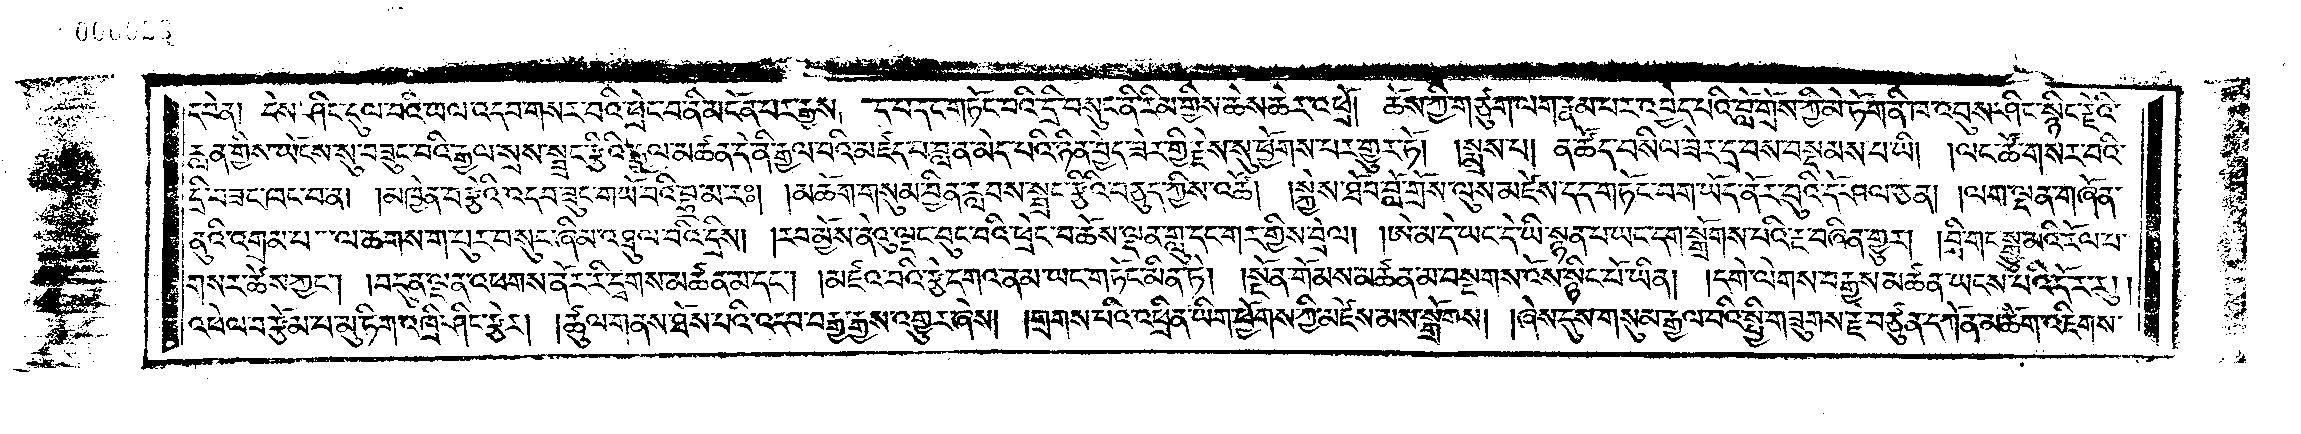དབེན། དེས་ཤིང་དུལ་བའི་ཡལ་འདབ་གསར་བའི་ཕྲེང་བ་ནི་མངོན་པར་རྒྱས། དད་པ་དང་གཏོང་བའི་དྲི་བསུང་ནི་རིམ་གྱིས་ཆེས་ཆེར་འཕྲོ། ཆོས་ཀྱི་གཙུག་ལག་རྣམ་པར་འབྱེད་པའི་བློ་གྲོས་ཀྱི་མེ་ཏོག་ནི་ཁ་འབུས་ཤིང་སྙིང་རྗེའི་
རླན་གྱིས་ཡོངས་སུ་བཟུང་བའི་རྒྱལ་སྲས་སྦྲང་རྩིའི་རྒྱལ་མཚན་དེ་ནི་རྒྱལ་བའི་མཛད་པ་བླ་ན་མེད་པའི་ཉིན་བྱེད་ཟེར་གྱི་རྗེས་སུ་ཕྱོགས་པར་གྱུར་ཏོ། །སྨྲས་པ། ན་ཚོད་བསིལ་ཟེར་དྲ་པས་བསྡམས་པ་ཡི། །ལང་ཚོ་གསར་བའི་
དྲི་བཟང་ཁང་བ་ན། །མཁྱེན་བརྩེའི་འདབ་ཟུང་གཡོ་བའི་བྷྲ་མ་རཿ། །མཆོག་གསུམ་བྱིན་རླབས་སྦྲང་རྩིའི་བཅུད་ཀྱིས་འཚོ། །སྐྱེས་ཐོབ་བློ་གྲོས་ལུས་མཇོས་དད་གཏོང་བག་ཡོད་ནོར་བུའི་དོ་ཤལ་ཅན། །ལག་ལྡན་གཞོན་
ནུའི་འགྲམ་པ་ལ་ཆགས་ག་པུར་བསུང་ཞིམ་འཐུལ་བའི་དྲིས། །རབ་མྱོས་ནེའུ་ལྡང་བུང་བའི་ཕྲེང་བ་ཆོས་ལྡན་གླུ་དང་གར་གྱིས་བྲེལ། །ཨེ་མ་དེ་ཡང་དེ་ཡི་སྙན་པ་ཡང་དག་སྒྲོགས་པའི་རྔ་བཞིན་གྱུར། །བྲི་གང་སྒྱུ་མའི་རོལ་པ་
གསར་ཚེས་ཀྱང་། །བདུན་ལྡན་འཕགས་ནོར་རི་དྭགས་མཚན་མ་དང་། །མཛའ་བའི་རྩེ་དགའ་ནམ་ཡང་གཏོང་མིན་ཏེ། །སྔོན་གོམས་མཚན་མ་བསྔགས་འོས་སྙིང་པོ་ཡིན། །དགེ་ལེགས་བརྒྱས་མཚན་ཡངས་པའི་དོར་རུ། །
འཕེལ་བརྩོམ་པ་མུ་ཏིག་འཁྲི་ཤིང་རྩེར། །ཚུལ་གནས་ཐོས་པའི་འདབ་བརྒྱ་རྒྱས་འགྱུར་ཞེས། །གྲགས་པའི་འཕྲིན་ཡིག་ཕྱོགས་ཀྱི་མཛེས་མས་སྒྲོགས། །ཞེས་དུས་གསུམ་རྒྱལ་བའི་སྤྱི་གཟུགས་རྗེ་བཙུན་དཀོན་མཆོག་འཇིགས་